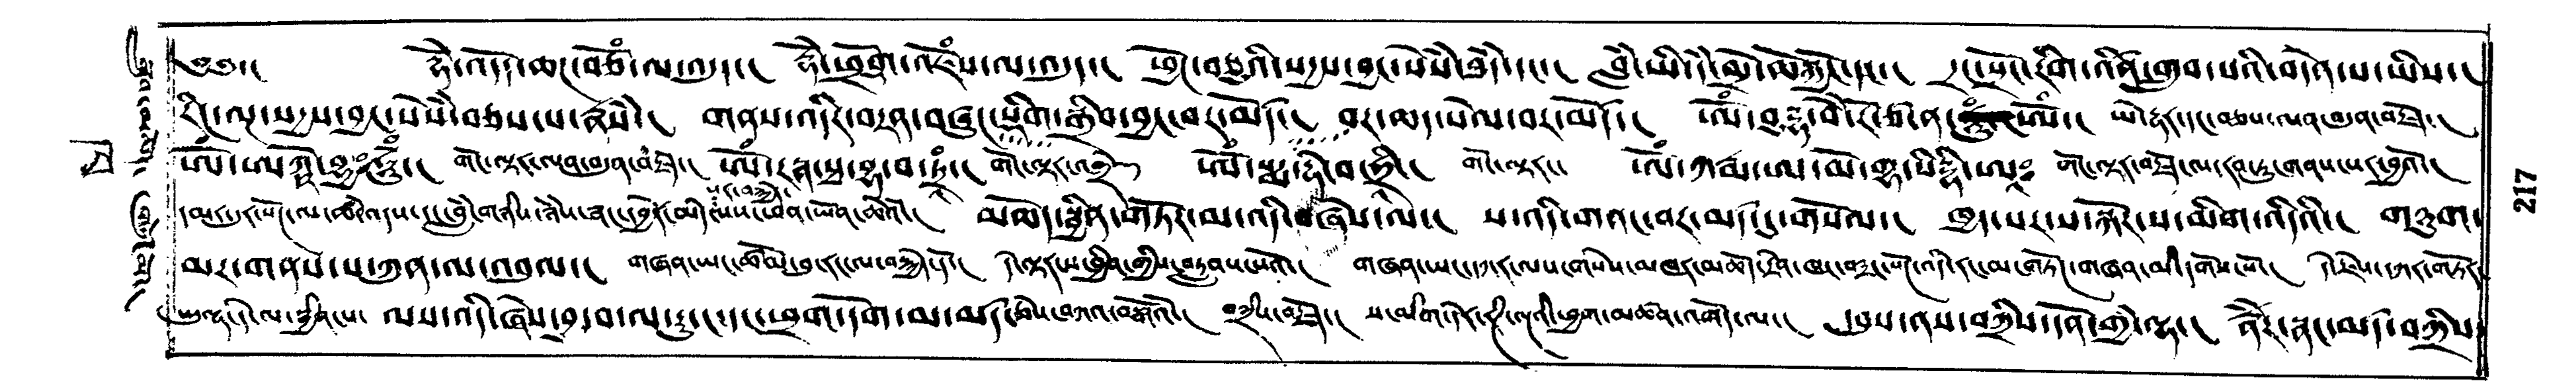རྡོ་རྗེ་འདོད་ཆགས་འཇོམས་ལ་འདུད། །རྡོ་རྗེ་ཕྲག་དོག་འཇོམས་ལ་འདུད། ཕྱོགས་བཅུའི་སངས་རྒྱས་བྱང་སེམས་ཐམས་ཅད་དང་། །བླ་མ་ཡི་དམ་མཁའ་འགྲོ་ཆོས་སྐྱོང་དང་། །དྲང་སྲོང་རིག་འཛིན་གྲུབ་པའི་བདེན་པ་ཡིས། །
རིགས་ལྔ་སངས་རྒྱས་བྱང་སེམས་བཅས་པ་རྣམས། །གནས་འདིར་བརྟན་བཞུགས་སྡིག་སྒྲིབ་བྱང་བར་མཛོད།། སྐུ་གདུང་སོགས་ལ། བར་ཆད་སེལ་བར་མཛོད། ཨོཾ་བུདྡྷ་བཻ་རོ་ཙ་ན་ཨོཾ། ཡེ་དྷར་དང་བཅས་ལན་བདུན་བརྗོད། 
ཨོཾ་ཨཀྵོ་བྷྱཿཧཱུྃ། གོང་ལྟར་ལན་བདུན་བརྗོད། ཨོཾ་རཏྣ་སྭ་བྷ་ཝ་ཏྲཱཾ། གོང་ལྟར་འགྲེས། ཨོཾ་པདྨ་དྷེ་ཝ་ཧྲཱི། གོང་ལྟར། ཨོཾ་ཀརྨ་ཨ་མོ་གྷ་སིདྡྷི་ཨཱཿ གོང་ལྟར་བརྗོད་ལ་རབ་ཏུ་གནས་པར་བྱའོ།། 
དམར་དུར་སོགས་ལ་ཚེ་འདས་ངང་བླ་མ་གཉིས་ཉམས་སྣང་དབྱེར་མེད་པར་བསྐྱེད་པས་ཕན་ཡོན་ཆེའོ།། མཆོད་སྦྱིན་གཏོར་མ་འདི་བཞེས་ལ། །ས་འདི་གནང་བར་མཛད་དུ་གསོལ། །ཁྱད་པར་ས་སྐོར་ས་མིག་འདིའི། །གཉུག་
མར་གནས་པ་ཀུན་ལ་འབུལ།། གཞན་ཡང་ཚོམ་བུ་རང་ལ་བསྐྱེད་དོ།། དེ་ལྟར་ས་བྱིན་གྱིས་བརླབས་པའོ།། གཞན་ཡང་དཀར་ལས་གསེས་མཁར་མཆོད་རྟེན་ཁང་བཟང་སོགས་འདི་རང་མ་གཏོགས་གཞན་མི་དགོས་སོ།དེ་རྗེས་དཀར་གཏོར་
ཡུལ་ལྷ་དེ་ལ་སྦྱིན་པ། ལས་འདི་ཞེས་བྱ་བ་ལ་རུ་ང་དང་ཕྲག་དོག་མ་མཛད་ཅེས་བཀའ་བསྒོའོ།། བཀྲ་ཤིས་བརྗོད། ས་མིག་དེར་རིགས་ལྔའི་ཕྱག་མཚན་འགོད་ལ། དབུས་ནས་བཀྲ་ཤིས་དོན་གྱི་ལྷ། །རྣམ་པར་སྣང་མཛད་བཀྲ་ཤིས